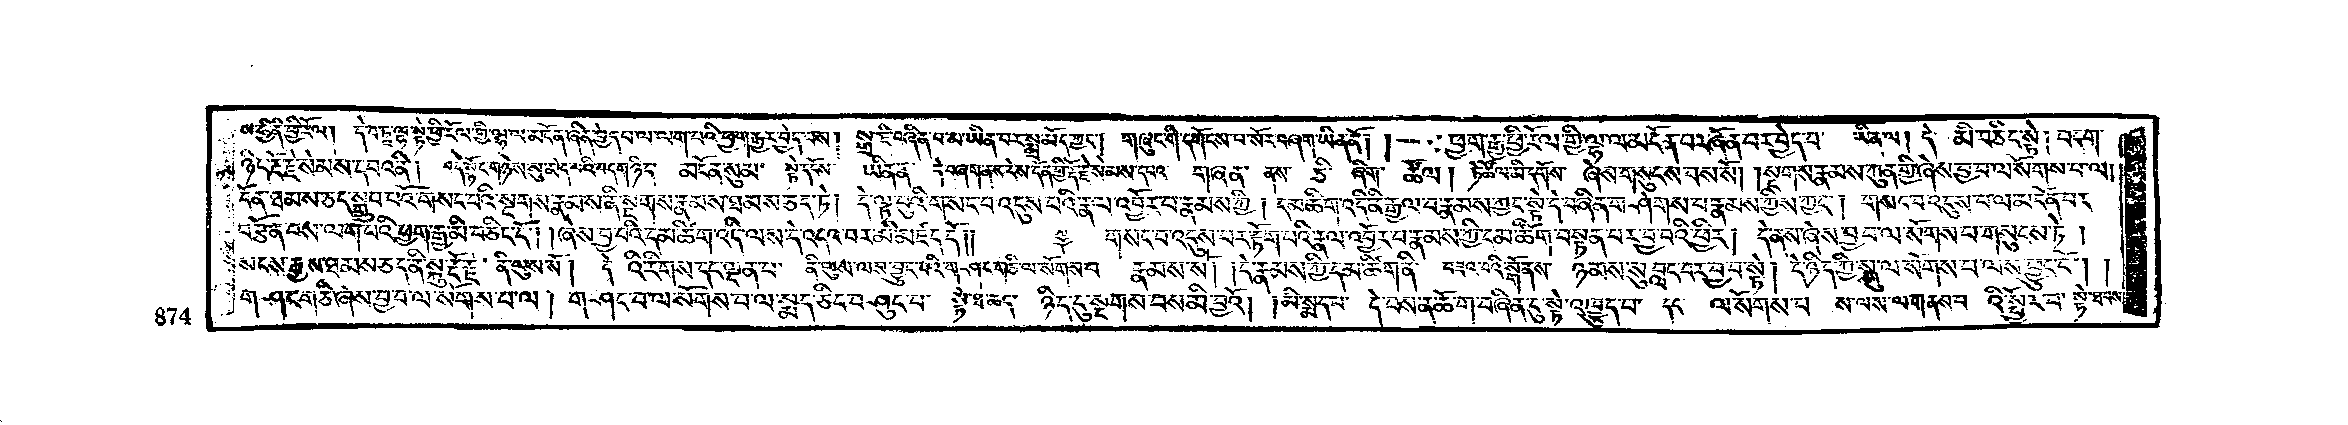ས་ཧྱི་ནི་ཕྱི་རོལ། དེ་བ་ཏཱ་ལྷ་སྟེ་ཕྱི་རོལ་གྱི་ལྷ་ལ་མངོན་ཞེན་བྱེད་པ་ལ་ལག་པའི་ཕྱག་རྒྱར་བྱེད་པས། སྒྲ་ཇི་བཞིན་པ་མ་ཡིན་པར་སྨྲ་མོད་ཀྱང་། གཞུང་གི་དགོངས་པ་སོར་བཞག་ཡིན་ནོ།། .H ཕྱག་རྒྱ་ཕྱི་རོལ་གྱི་ལྷ་ལ་མངོན་པར་ཞོན་པར་བྱེད་པ་ཡིན་ལ། དེ་མི་བཅིང་སྟེ། བདག་
ཉིད་རྡོ་རྗེ་སེམས་དཔའ་ནི། བདེ་སྟོང་གཉིས་སུ་མེད་པའི་བདག་ཉིད་མངོན་སུམ་སྟེ་དངོས། ཡིན་ན་དེ་བཞག་ནས་ངེས་དོན་གྱི་རྡོ་རྗེ་སེམས་དཔའ་གཞན་ནས་ཅི་ཞིག་ཚོལ། ཏེ་ཚོལ་མི་དགོས་ཞེས་གསུངས་པས་སོ། །སྔགས་རྣམས་ཀུན་གྱི་ཞེས་བྱ་བ་ལ་སོགས་པ་ལ།
དོན་ཐམས་ཅད་སྒྲུབ་པའོ་གསང་བའི་སྔགས་རྣམས་ནི་སྔགས་རྣམས་ཐམས་ཅད་ཏེ། དེ་ལྟ་བུའི་གསང་བ་འདུས་པའི་རྣལ་འབྱོར་བ་རྣམས་ཀྱི། དམ་ཚིག་འདི་ནི་རྒྱལ་བ་རྣམས་ཀྱང་སྟེ་དེ་བཞིན་གཤེགས་པ་རྣམས་ཀྱིས་ཀྱང་། གསང་བ་འདུས་པ་ལ་མངོན་པར་
བརྩོན་པས་ལག་པའི་ཕྱག་རྒྱ་མི་བཅིང་ངོ། །ཞེས་བྱ་བའི་དམ་ཚིག་འདི་ལས་དེ་འདའ་བར་མི་མཛད་དོ།། ༈ གསང་བ་འདུས་པར་རྟོག་པའི་རྣལ་འབྱོར་པ་རྣམས་ཀྱི་དམ་ཚིག་བསྟན་པར་བྱ་བའི་ཕྱིར། དེ་ནས་ཞེས་བྱ་བ་ལ་སོགས་པ་གསུངས་ཏེ།
སངས་རྒྱས་ཐམས་ཅད་ནི་སྐུ་རྡོ་རྗེ་ནི་ལུས་སོ། དེའི་རིགས་དང་ལྡན་པ་ནི་ལུས་ལས་བྱུང་བའི་གཤང་གཅི་ལ་སོགས་པ་རྣམས་སོ། །དེ་རྣམས་ཀྱི་དམ་ཚིག་ནི་བཟའ་བའི་སྒོ་ནས་ཉམས་སུ་བླང་བར་བྱ་བ་སྟེ། དེ་ཉིད་ཀྱི་སྐུ་?་ལ་སོགས་པ་ལས་ཕྱུང་ངོ། །
གཤང་གཅི་ཞེས་བྱ་བ་ལ་སོགས་པ་ལ། གཤང་བ་ལ་སོགས་པ་ལ་སྨད་ཅིང་བཤུང་པ་སྟེ་ཐ་ཆད་ཉིད་དུ་སྔགས་པས་མི་བྱའོ། །མི་སྨད་པ་དེ་བས་ན་ཆོ་ག་བཞིན་དུ་སྟེ་འཁྱུད་པ་དང་ལ་སོགས་པས་ལས་ལ་གནས་པའི་སྦྱོར་བ་སྟེ་ཐབས་